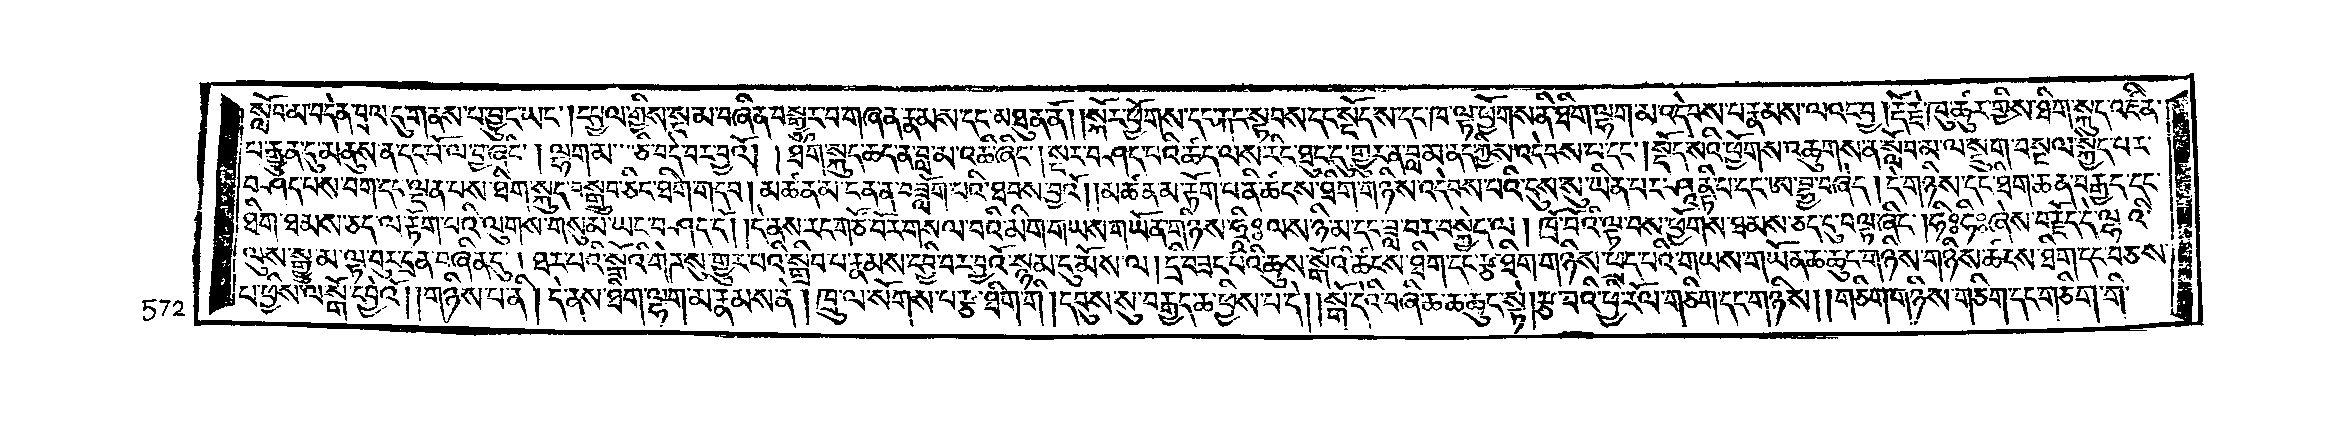སློབ་མ་བདེན་བྲལ་དུ་གནས་པ་བྱུང་ཡང་། དཔྱལ་གྱིས་སྔ་མ་བཞིན་བསྒྱུར་བ་གཞན་རྣམས་དང་མཐུན་ནོ། །སྐོར་ཕྱོགས་དང་རྐང་སྟབས་དང་སྡོད་ས་དང་ཁ་ལྟ་ཕྱོགས་ནི་ཐིག་ལྷག་མ་འདེབས་པ་རྣམས་ལའང་བྱ། རྡོ་རྗེ་ཁུ་ཚུར་གྱིས་ཐིག་སྐུད་འཛིན་
པ་རྒྱུན་དུ་མ་ནུས་ན་དང་པོ་ལ་བྱ་ཞིང་། ལྷག་མ་ཅི་བདེ་བར་བྱའོ། །ཐིག་སྐུད་ཆད་ན་བླ་མ་འཆི་ཞིང་། སྔར་བཤད་པའི་ཚད་ལས་རིང་ཐུང་དུ་གྱུར་ན་བླ་མ་ནད་ཀྱིས་འདེབས་པ་དང་། སྡོད་སའི་ཕྱོགས་འཆུགས་ན་སློབ་མ་ལ་སྡུག་བསྔལ་སྐྱེད་པར་
བཤད་པས་བག་དང་ལྡན་པས་ཐིག་སྐུད་བསྒྲུབ་ཅིང་ཐིག་གདབ། མཚན་མ་ངན་ན་བཟློག་པའི་ཐབས་བྱའོ། །མཚན་མ་རྟོག་པ་ནི་ཚངས་ཐིག་གཉིས་འདེབས་པའི་དུས་སུ་ཡིན་པར་ཤཱནྟི་པ་དང་ཨ་བྷྱ་བཞེད། དེ་གཉིས་དང་ཐིག་ཆན་བརྒྱད་དང་
ཐིག་ཐམས་ཅད་ལ་རྟོག་པའི་ལུགས་གསུམ་ཡང་བཤད་དོ། །དེ་ནས་རང་གཙོ་བོར་གསལ་བའི་མིག་གཡས་གཡོན་གཉིས་ཧྲཱིཿ ལས་ཉི་མ་དང་ཟླ་བར་བསྐྱེད་ལ། ཁྲོ་བོའི་ལྟ་བས་ཕྱོགས་ཐམས་ཅད་དུ་བལྟ་ཞིང་། ཧིཿ ཧིཿ ཞེས་བརྗོད་དེ་ལྷའི་
ལུས་སྒྱུ་མ་ལྟ་བུར་དྲན་བཞིན་དུ། ཐར་པའི་སྒོའི་གེགས་སུ་གྱུར་པའི་སྒྲིབ་པ་རྣམས་དབྱི་བར་བྱའོ་སྙམ་དུ་མོས་ལ། དྲི་བཟང་པོའི་ཆུས་སྒོའི་ཚངས་ཐིག་དང་རྩེ་ཐིག་གཉིས་ཕྲད་པའི་གཡས་གཡོན་ཆ་ཆུང་གཉིས་གཉིས་ཚངས་ཐིག་དང་བཅས་
པ་ཕྱིས་ལ་སྒོ་དབྱེའོ། །གཉིས་པ་ནི། དེ་ནས་ཐིག་ལྷག་མ་རྣམས་ནི། ཁྲུ་ལ་སོགས་པ་རྩ་ཐིག་གི །དབུས་སུ་བརྒྱད་ཆ་ཕྱིས་པ་དེ། །སྒོ་དེའི་བཞི་ཆ་ཆ་ཆུང་སྟེ། རྩ་བའི་ཕྱི་རོལ་གཅིག་དང་གཉིས། །གཅིག་གཉིས་གཅིག་དང་གཅིག་གི་